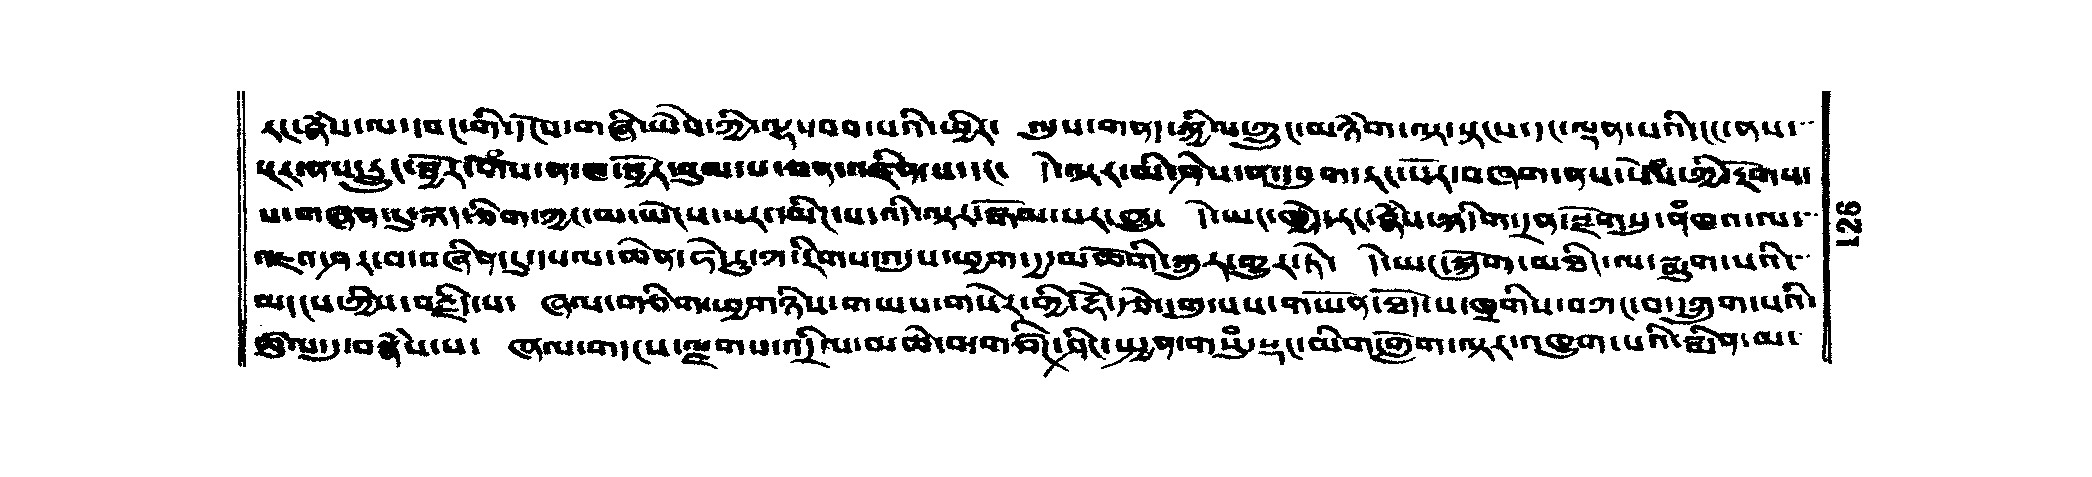རང་རྣམས་ལ་དབང་གི་དངོས་གཞི་ཡེ་ཤེས་ཀྱི་ལྷ་དབབ་པའི་ཕྱིར། ལུས་གནད་སྐྱིལ་ཀྲུང་མཉམ་བཞག་ལྟ་སྟངས་དང་ལྡན་པའི་ངང་ནས་
སྔར་ནས་རླུང་སྦྱོར་གོམས་ན་ཁ་སྦྱོར་བུམ་པ་ཅན་འཛིན་པ་དང་། དེ་ལྟར་ཡི་ཤེས་ན་དབུག་རང་སོར་བཞག་ནས་སེམས་ཀྱི་རྟོགས་
པ་གཞན་དུ་སྐད་ཅིག་ཀྱང་མ་ཡེངས་པར་དམིགས་པ་འདི་ལྟར་སྒོམ་པར་ཞུ། དེ་ཡང་ཁྱེད་རང་རྣམས་སྐད་ཅིག་དྲན་རྫོགས་སུ་ནམ་མཁའ་ལ་
འཇའ་ཤར་བ་བཞིན་དུ་དཔལ་ཆེན་ཧེ་རུ་ཀ་རིགས་འདུས་ཕྱག་རྒྱ་མཆོག་གི་སྐུར་གྱུར་ཏེ། དེ་ཡང་སྐུ་མདོག་མཐིང་ལ་སྨུག་པའི་
མདངས་ཀྱིས་བརྗིད་པ། ཞལ་གཅིག་ཕྱག་གཉིས་གཡས་གསེར་གྱི་རྡོ་རྗེ་རྩེ་དགུ་པས་གཡོན་ཐོད་པ་ཁྲག་གིས་བཀང་བ་དཀྲུག་པའི་
ཚུལ་དུ་བསྣམས་པ། ཞལ་གདངས་ལྗགས་འདྲིལ་མཆི་བདག་གཙིགས་ཤིང་སྤྱན་གསུམ་སྡང་མིག་གློག་ལྟར་འཁྱུག་པའི་སྨིན་མ་